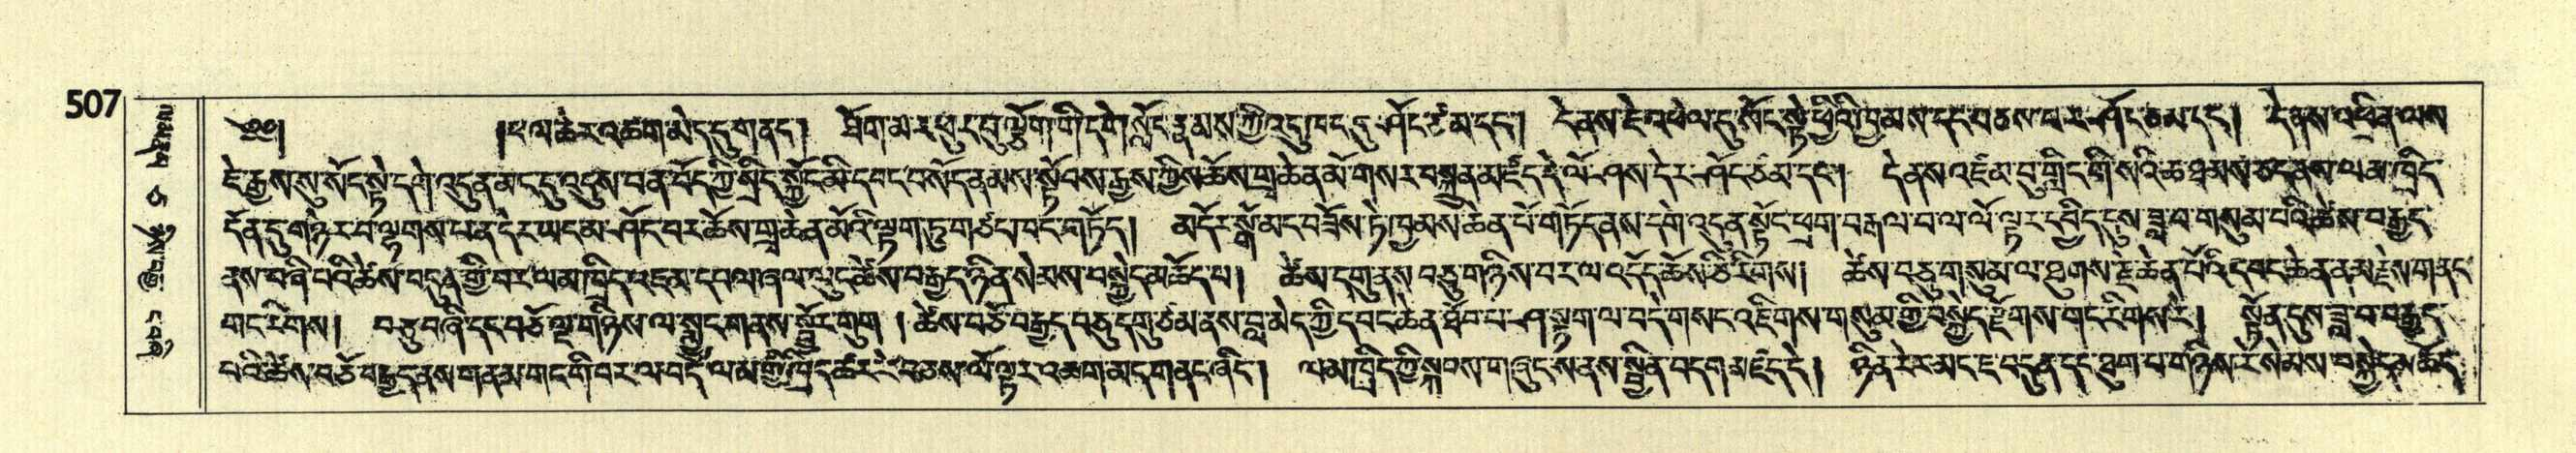༄༅། །ཕལ་ཆེར་འཆག་མེད་དུ་གནང་། ཐོག་མར་ཕུར་བུ་ལྕོག་གི་དགེ་སློང་རྣམས་ཀྱི་འདུ་ཁང་དུ་ཤོང་ཙམ་དང་། དེ་ནས་ཇེ་འཕེལ་དུ་སོང་སྟེ་ཕྱིའི་ཁྱམས་དང་བཅས་པར་ཤོང་ཅས་དང་། དེ་ནས་འཕྲིན་ལས་
ཇེ་རྒྱས་སུ་སོང་སྟེ་དགེ་འདུན་མང་དུ་འདུས་བན་བོད་ཀྱི་སྲིད་སྐྱོང་མི་དབང་བསོད་ནམས་སྟོབས་རྒྱས་ཀྱིས་ཆོས་གྲྭ་ཆེན་མོ་གསར་བསྐྲུན་མཛད་དེ་ལོ་ཤས་དེར་ཤོང་ཙམ་དང་། དེ་ནས་འཛམ་བུ་གླིང་གིས་སའི་ཆ་ཐམས་ཅད་ནས་ལམ་ཁྲིད་
དོན་དུ་གཉེར་བ་ལྷགས་པ་ན་དེར་ཡང་མ་ཤོང་བར་ཆོས་གྲྭ་ཆེན་མོའི་ལྟག་ཏུ་གཙང་ཁང་གཏོད། མདོར་སྒོ་མང་བཟོས་ཏེ་ཁྱམས་ཆེན་པོ་གཏོད་ནས་དགེ་འདུན་སྟོང་ཕྲག་བརྒལ་བ་ལ་ལོ་ལྟར་དབྱིད་དུས་ཟླ་བ་གསུམ་པའི་ཚེས་བརྒྱད་
ནས་བཞི་པའི་ཚེས་བདུན་གྱི་བར་ལམ་ཁྲིད་འཇམ་དཔལ་ཞལ་ལུང་ཚེས་བརྒྱད་ཉིན་སེམས་བསྐྱེད་མཆོད་པ། ཚེས་དགུ་ནས་བཅུ་གཉིས་བར་ལ་འདོད་ཆོས་ཅི་རིགས། ཚེས་བཅུ་གསུམ་ལ་ཐུགས་རྗེ་ཆེན་པོའི་དབང་ཆེན་ནམ་རྗེས་གནང་
གང་རིགས། བཅུ་བཞི་དང་བཅོ་ལྔ་གཉིས་ལ་སྨྱུང་གནས་སྦྱོར་གུག །ཚེས་བཅོ་བརྒྱད་བཅུ་དགུ་ཙམ་ནས་བླ་མེད་ཀྱི་དབང་ཆེན་ཐོབ་པ་ཤ་སྟག་ལ་བདེ་གསང་འཇིགས་གསུམ་གྱི་བསྐྱེད་རྫོགས་གང་རིགས་རེ། སྟོན་དུས་ཟླ་བ་བརྒྱད་
པའི་ཚེས་བཅོ་བརྒྱད་ནས་གནམ་གང་གི་བར་ལ་བདེ་ལམ་གྱི་ཁྲིད་ཚར་རེ་བཅས་ལོ་ལྟར་འཆག་མདག་ནང་ཞིང་། ལམ་ཁྲིད་ཀྱི་སྐབས་གཞུང་ས་ནས་སྦྱིན་བདག་མཛད་དེ། ཉིན་རེར་མང་ཇ་བདུན་དང་ཐུག་པ་གཉིས་རེ་སེམས་བསྐྱེད་མཆོད་